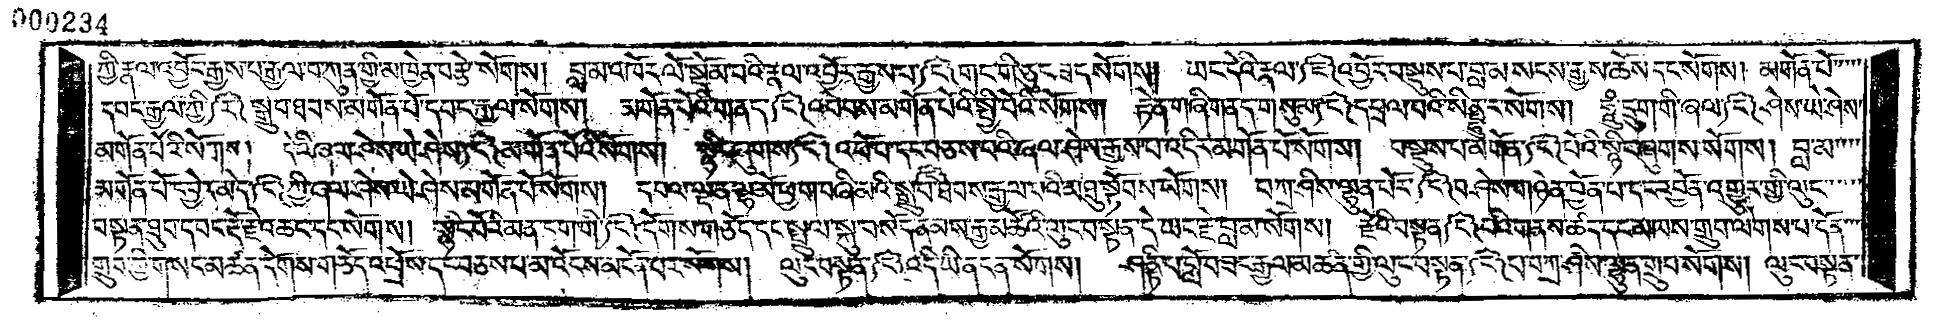ཀྱི་རྣལ་འབྱོར་རྒྱས་པ་རྒྱལ་བ་ཀུན་གྱི་མཁྱེན་བརྩེ་སོགས། བླ་མ་འཁོར་ལོ་སྡོམ་པའི་རྣལ་འབྱོར་རྒྱས་པ ༼ང༽ གང་གི་ཅུང་ཟད་སོགས། ཡང་དེའི་རྣལ ༼ཇ༽ འབྱོར་བསྡུས་པ་བླ་མ་སངས་རྒྱས་ཆོས་དང་སོགས། མགོན་པོ་
དབང་རྒྱལ་ཀྱི ༼ར༽ སྒྲུབ་ཐབས་མགོན་པོ་དབང་རྒྱལ་སོགས། མགོན་པོའི་གནད ༼ང༽ འབེབས་མགོན་པོའི་སྤྱི་བོའི་སོགས། རྟེན་གཞི་གནད་གསུམ ༼ང༽ དཔྲལ་བའི་སིནྡྷུ་ར་སོགས། ཧཱུཾ་དྲུག་གི་ཞལ ༼ང༽ ཤེས་ཡེ་ཤེས་
མགོན་པོའི་སོགས། དེའི་ཞལ་ཤེས་ཡེ་ཤེས ༼ང༽ མགོན་པོའི་སོགས། སྙིང་ཞུགས ༼ང༽ འཕོ་བ་དང་བཅས་པའི་ཞལ་ཤེས་རྒྱས་པ་འདིར་མགོན་པོ་སོགས། བསྡུས་པ་མགོན ༼ང༽ པོའི་སྙིང་ཞུགས་སོགས། བླ་མ་
མགོན་པོ་དབྱེར་མེད ༼ང༽ ཀྱི་ཞལ་ཤེས་ཡེ་ཤེས་མགོན་པོ་སོགས། དཔལ་ལྡན་ལྷ་མོ་ཕྱག་བཞི་མའི་སྒྲུབ་ཐབས་རྒྱལ་བའི་མཐུ་སྟོབས་སོགས། བཀྲ་ཤིས་ལྷུན་པོར ༼ང༽ བཤེས་གཉེན་བྱོན་པ་དང་འབྱོན་འགྱུར་གྱི་ལུང་
བསྟན་ཐུབ་དབང་རྡོ་རྗེ་འཆང་དང་སོགས། སྙིང་པོའི་མན་ངག་གི ༼ང༽ དོགས་གཅོད་དང་སྤྲུལ་སྐུ་བསོད་ནམས་རྒྱ་མཚོའི་ལུང་བསྟན་དེ་ཡང་རྗེ་བླ་མ་སོགས། རྗེའི་བསྟན ༼ང༽ པའི་གནས་ཚད་དང་མཁས་གྲུབ་ལེགས་པ་དོན་
གྲུབ་ཀྱི་གསང་མཚན་དོགས་གཅོད་འཕྲོས་དང་བཅས་པ་མ་འོངས་མངོན་བར་སོགས། ལུང་བསྟན ༼ང༽ འདི་ཡིན་ངན་སོགས། ཤནྟི་པ་བློ་བཟང་རྒྱལ་མཚན་གྱི་ལུང་བསྟན ༼ང༽ པ་བཀྲ་ཤིས་ལྷུན་གྲུབ་སོགས། ལུང་བསྟན་